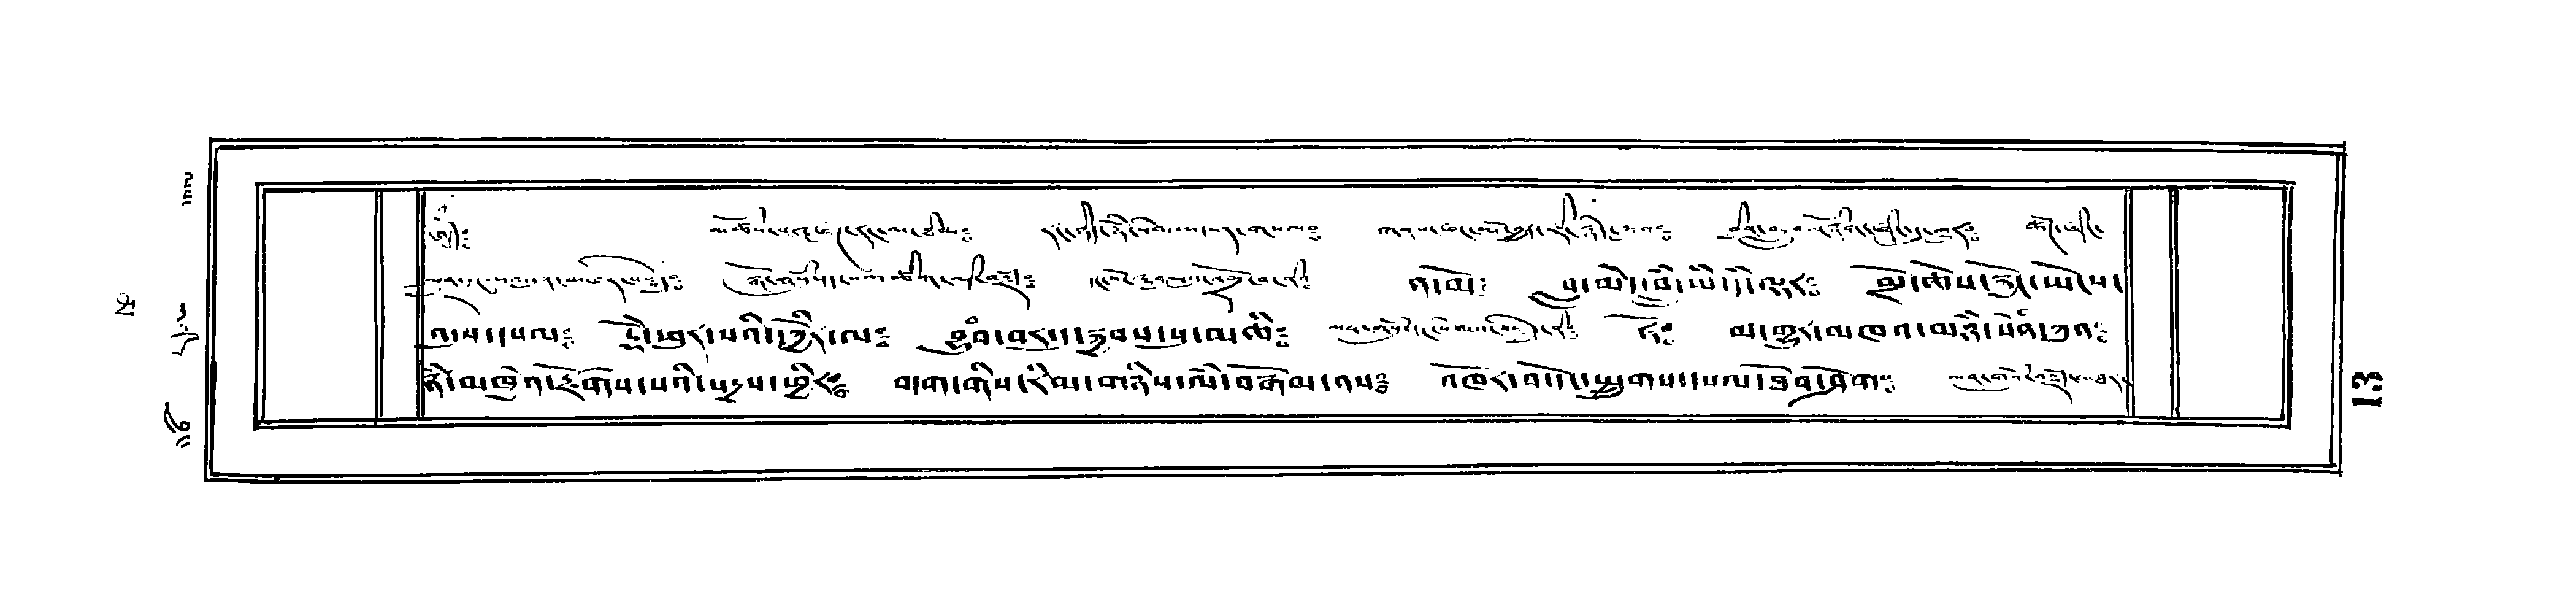མཚམས་ནས་ཞུགས་རང་ལ་ཐིམ༔ རང་ཉིད་རྡོ་རྗེ་སེམས་དཔར་གསལ༔ གནས་ཁང་ཡོ་བྱད་ཇི་སྙེད་ཀུན༔ བྱིན་བརླབས་རྣམ་དག་ཞིང་དུ་གྱུར༔ ཚོགས་ཞིང་
སྤྱན་དྲངས་འདུན་མཁར་བསྐྱེད༔ སྒོ་གསུམ་དད་པས་ཚིག་འདི་བརྗོད༔ དང་པོ་སྐྱབས་སུ་འགྲོ་བ་ནི༔ ན་མོ༔ བླ་མེད་བླ་མ་ཡི་དམ་ལྷར༔ མཁའ་འགྲོ་ཆོས་སྐྱོང་ཡོངས་
འདུས་དཔལ༔ རྡོ་རྗེ་ཕུར་པའི་དཀྱིལ་འཁོར་ལ༔ བྱང་ཆུབ་བར་དུ་སྐྱབས་སུ་མཆི༔ ལན་གསུམ་དང་སེམས་བསྐྱེད་ནི༔ ཧོཿ མ་གྱུར་མཁའ་མཉམ་སེམས་ཅན་ཀུན༔ 
རྣམ་མཁྱེན་རྫོགས་པའི་སངས་རྒྱས་ཕྱིར༔ བདག་གིས་རིམ་གཉིས་ལམ་བསྒོམ་ནས༔ འཁོར་བ་དོང་སྤྲུགས་དཔལ་ཐོབ་ཤོག༔ ལན་གསུམ་བརྗོད་མཐར་